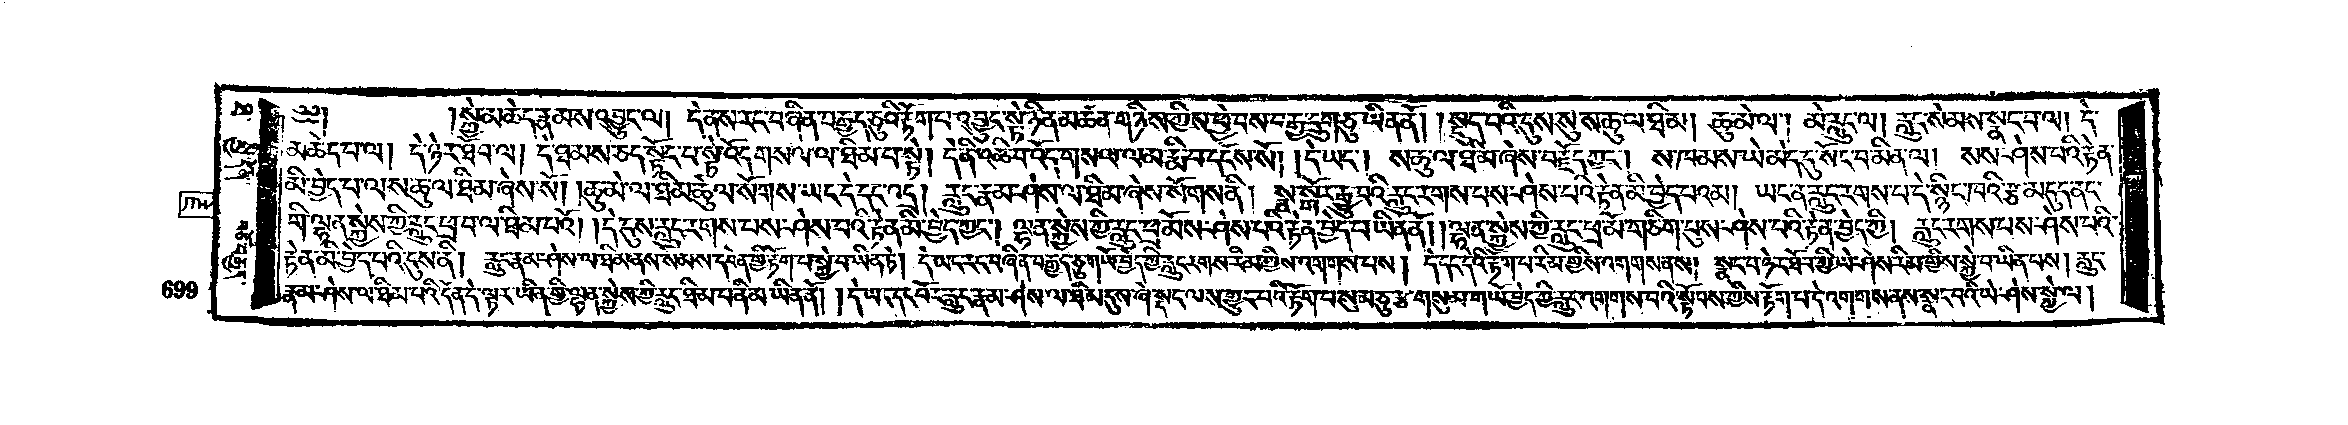༄༅། །སྐྱེ་མཆེད་རྣམས་འབྱུང་ལ། དེ་ནས་རང་བཞིན་བརྒྱད་ཅུའི་རྟོག་པ་འབྱུང་སྟེ་ཉིན་མཚན་གཉིས་ཀྱིས་ཕྱེ་བས་བརྒྱ་དྲུག་ཅུ་ཡིན་ནོ། །སྡུད་པའི་དུས་སུ་ས་ཆུ་ལ་ཐིམ། ཆུ་མེ་ལ། མེ་རླུང་ལ། རླུང་སེམས་སྣང་བ་ལ། དེ་
མཆོད་པ་ལ། དེ་ཉེར་ཐོབ་ལ། དེ་ཐམས་ཅད་སྟོང་པ་སྟེ་འོད་གསལ་ལ་ཐིམ་པ་སྟེ། དེ་ནི་འཆི་བ་འོད་གསལ་ལམ་རྨི་བ་དངོས་སོ། །དེ་ཡང་། ས་ཆུ་ལ་ཐིམ་ཞེས་བརྗོད་ཀྱང་། ས་ཁམས་ཡེ་མེད་དུ་སོང་བ་མིན་ལ། སས་ཤེས་པའི་རྟེན་
མི་བྱེད་པ་ལ་ས་ཆུ་ལ་ཐིམ་ཞེས་སོ། །ཆུ་མེ་ལ་ཐིམ་ཚུལ་སོགས་ཡང་དེ་དང་འདྲ། རླུང་རྣམ་ཤེས་ལ་ཐིམ་ཞེས་སོགས་ནི། སྣ་སྒོར་རྒྱུ་བའི་རླུང་རགས་པས་ཤེས་པའི་རྟེན་མི་བྱེད་པའམ། ཡང་ན་རླུང་རགས་པ་དེ་སྙིང་ཁའི་རྩ་མདུད་ནང་
གི་ལྷན་སྐྱེས་ཀྱི་རླུང་ཕྲ་བ་ལ་ཐིམ་པའོ། །དེ་དུས་རླུང་རགས་པས་ཤེས་པའི་རྟེན་མི་བྱེད་ཀྱང་། ལྷན་སྐྱེས་ཀྱི་རླུང་ཕྲ་མོས་ཤེས་པའི་རྟེན་བྱེད་པ་ཡིན་ནོ། །ལྷན་སྐྱེས་ཀྱི་རླུང་ཕྲ་མོ་གཅིག་པུས་ཤེས་པའི་རྟེན་བྱེད་ཀྱི། རླུང་རགས་པས་ཤེས་པའི་
རྟེན་མི་བྱེད་པའི་དུས་ནི། རླུང་རྣམ་ཤེས་ལ་ཐིམ་ནས་སེམས་དབེན་གྱི་རྟོག་པ་སྐྱེ་བ་ཡིན་ཏེ། དེ་ཡང་རང་བཞིན་བརྒྱད་ཅུ་གཡོ་བྱེད་ཀྱི་རླུང་རགས་རིམ་གྱིས་འགགས་པས། དེ་དང་དེའི་རྟོག་པ་རིམ་གྱིས་འགགས་ནས། སྣང་བ་ཉེར་ཐོབ་ཀྱི་ཡེ་ཤེས་རིམ་གྱིས་སྐྱེ་བ་ཡིན་པས། རླུང་
རྣམ་ཤེས་ལ་ཐིམ་པའི་དོན་དེ་ལྟར་ཡིན་གྱི་ལྷན་སྐྱེས་ཀྱི་རླུང་ཐིམ་པ་ནི་མ་ཡིན་ནོ། །དེ་ཡང་དང་པོར་རླུང་རྣམ་ཤེས་ལ་ཐིམ་དུས་ཞེ་སྡང་ལས་གྱུར་པའི་རྟོག་པ་སུམ་ཅུ་རྩ་གསུམ་གཡོ་བྱེད་ཀྱི་རླུང་འགགས་པའི་སྟོབས་ཀྱིས་རྟོག་པ་དེ་འགགས་ནས་སྣང་བའི་ཡེ་ཤེས་སྐྱེ་ལ།